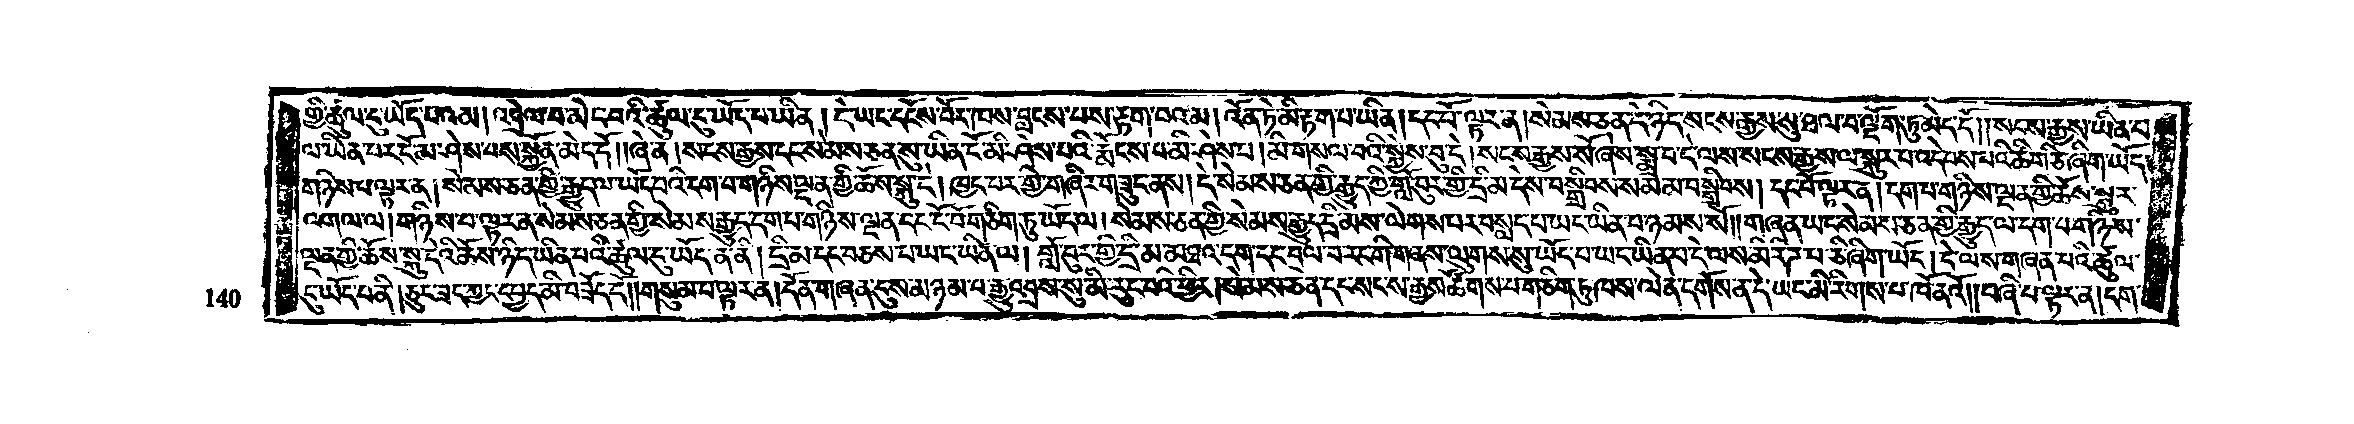གྱི་ཚུལ་དུ་ཡོད་པའམ། འབྲེལ་པ་མེད་པའི་ཚུལ་དུ་ཡོད་པ་ཡིན། དེ་ཡང་དངོས་པོར་ཁས་བླངས་པས་རྟག་པའམ། འོན་ཏེ་མི་རྟག་པ་ཡིན། དང་པོ་ལྟར་ན། སེམས་ཅན་དེ་ཉིད་སངས་རྒྱས་སུ་ཐལ་བ་ལྡོག་ཏུ་མེད་དོ། །སངས་རྒྱས་ཡིན་པ་
ལ་ཡིན་པར་ངོ་མ་ཤེས་པས་སྐྱོན་མེད་དོ། །ཞེ་ན། སངས་རྒྱས་དང་སེམས་ཅན་སུ་ཡིན་ངོ་མི་ཤེས་པའི་རྨོངས་པ་མི་ཤེས་པ། མི་གསལ་བའི་སྐྱེས་བུ་དེ། སངས་རྒྱས་སོ་ཞེས་སྨྲ་བ་དེ་ལས་སངས་རྒྱས་ལ་སྐུར་བ་འདེབས་པའི་ཚིག་ཅི་ཞིག་ཡོད་
གཉིས་པ་ལྟར་ན། སེམས་ཅན་གྱི་རྒྱུད་ལ་ཡོད་པའི་དག་པ་གཉིས་ལྡན་གྱི་ཆོས་སྐུ་དེ། ཁྱད་པར་གྱི་གཞིར་གཟུང་ནས། དེ་སེམས་ཅན་གྱི་རྒྱུད་ཀྱི་གློ་བུར་གྱི་དྲི་མ་དེས་བསྒྲིབས་སམ་མ་བསྒྲིབས། དང་པོ་ལྟར་ན། དག་པ་གཉིས་ལྡན་གྱི་ཆོས་སྐུར་
འགལ་ལ། གཉིས་པ་ལྟར་ན་སེམས་ཅན་གྱི་སེམས་རྒྱུད་དག་པ་གཉིས་ལྡན་དང་ངོ་བོ་གཅིག་ཏུ་ཡོད་ལ། སེམས་ཅན་གྱི་སེམས་རྒྱུད་དྲི་མས་ལེགས་པར་བསླད་པ་ཡང་ཡིན་པ་ཉམས་སོ། །གཞན་ཡང་སེམས་ཅན་གྱི་རྒྱུད་ལ་དག་པ་གཉིས་
ལྡན་གྱི་ཆོས་སྐུ་དེའི་ཆོས་ཉིད་ཡིན་པའི་ཚུལ་དུ་ཡོད་ན་ནི། དྲི་མ་དང་བཅས་པ་ཡང་ཡིན་ལ། གློ་བུར་གྱི་དྲི་མ་མཐའ་དག་དང་བྲལ་བ་རང་གི་གནས་ལུགས་སུ་ཡོད་པ་ཡང་ཡིན་པ་དེ་ལས་མི་རིགས་པ་ཅི་ཞིག་ཡོད། དེ་ལས་གཞན་པའི་ཚུལ་
དུ་ཡོད་པ་ནི། ཅུང་ཟད་ཀྱང་དཔྱད་མི་བཟོད་དོ། །གསུམ་པ་ལྟར་ན། དོན་གཞན་དུས་མཉམ་པར་རྒྱུ་འབྲས་སུ་མི་རུང་བའི་ཕྱིར། སེམས་ཅན་དང་སངས་རྒྱས་ཚོགས་པ་གཅིག་ཏུ་ཁས་ལེན་དགོས་ན་དེ་ཡང་མི་རིགས་པ་ཁོ་ནའོ། །བཞི་པ་ལྟར་ན། དག་